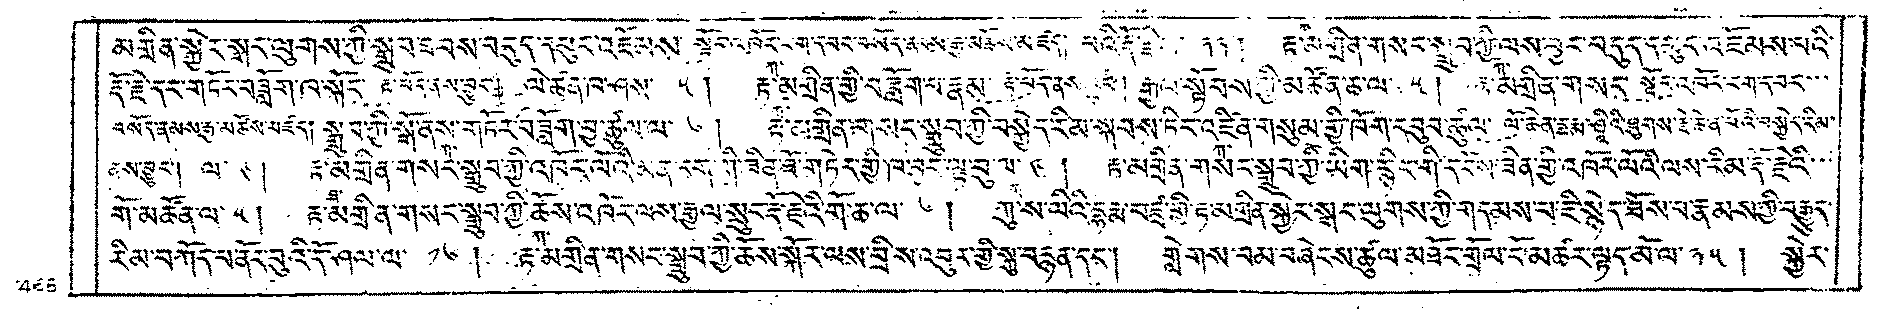མགྲིན་སྐྱེར་སྒང་ལུགས་ཀྱི་སྒྲུབ་ཐབས་བདུད་དཔུང་འཇོམས་སྟོང་འཁོར་ངག་དབང་བསོད་ནམས་རྒྱ་མཚོས་མཛད།  པའི་རྡོ་རྗེ་ལ ༢༢། རྟ་ཀ་མགྲིན་གསང་སྒྲུབ་ཀྱི་ལས་བྱང་བདུད་དཔུང་འཇོམས་པའི་
རྡོ་རྗེ་དང་གཏོར་བཟློག་ཁ་སྐོང་རྟ་པོད་ནས་བྱུང་།  ལེ་ཚན་ཁ་ཤས ༥། རྟ་ཀ་མགྲིན་གྱི་བཟློག་པ་རྣམ་རྟ་པོད་ནས་བྱུང་།  རྒྱལ་སྟོབས་ཀྱི་མཚོན་ཆ་ལ ༥། རྟ་ཀ་མགྲིན་གསང་སྟོང་འཁོར་ངག་དབང་
བསོད་ནམས་རྒྱ་མཚོས་མཛད། སྒྲུབ་ཀྱི་སྒོ་ནས་གཏོར་བཟློག་བྱ་ཚུལ་ལ ༦། ཀ་རྟ་མགྲིན་གསང་སྒྲུབ་ཀྱི་བསྐྱེད་རིམ་སྐབས་ཏིང་འཛིན་གསུམ་གྱི་ཁོག་དབུབ་ཚུལ་ལོ་ཆེན་དྷརྨ་ཤྲཱིའི་ཐུགས་རྗེ་ཆེན་པོའི་བསྐྱེད་རིམ་
ནས་བྱུང་། ལ ༤། རྟ་མགྲིན་གསང་ཀ་སྒྲུབ་ཀྱི་འཁོར་ལོའི་མན་ངག་གི་ཟིན་ཐོ་གཏེར་གྱི་ཁ་བྱང་ལྟ་བུ་ལ ༤། རྟ་མགྲིན་གསང་ཀ་སྒྲུབ་ཀྱི་ཡིག་རྙིང་གི་དངོས་ཟིན་གྱི་འཁོར་ལོའི་ལས་རིམ་རྡོ་རྗེའི་
གོ་མཚོན་ལ ༥། རྟ་ཐ་མགྲིན་གསང་སྒྲུབ་ཀྱི་ཆོས་འཁོར་ལས་རྒྱལ་སྲུང་རྡོ་རྗེའི་གོ་ཆ་ལ ༦། ཀུ་ཀ་ས་ལིའི་དྷརྨ་བཛྲ་གྱི་རྟ་མགྲིན་སྐྱེར་སྒང་ལུགས་ཀྱི་གདམས་པ་ཇི་སྙེད་ཐོས་པ་རྣམས་ཀྱི་བརྒྱུད་
རིམ་བཀོད་པ་ནོར་བུའི་དོ་ཤལ་ལ ༡༦། རྟ་ཀ་མགྲིན་གསང་སྒྲུབ་ཀྱི་ཆོས་སྐོར་ལས་བྲིས་འབུར་གྱི་སྐུ་བརྙན་དང་། གླེགས་བམ་བཞེངས་ཚུལ་མཐོང་གྲོལ་ངོ་མཚར་ལྟད་མོ་ལ ༢༥། སྐྱེར་